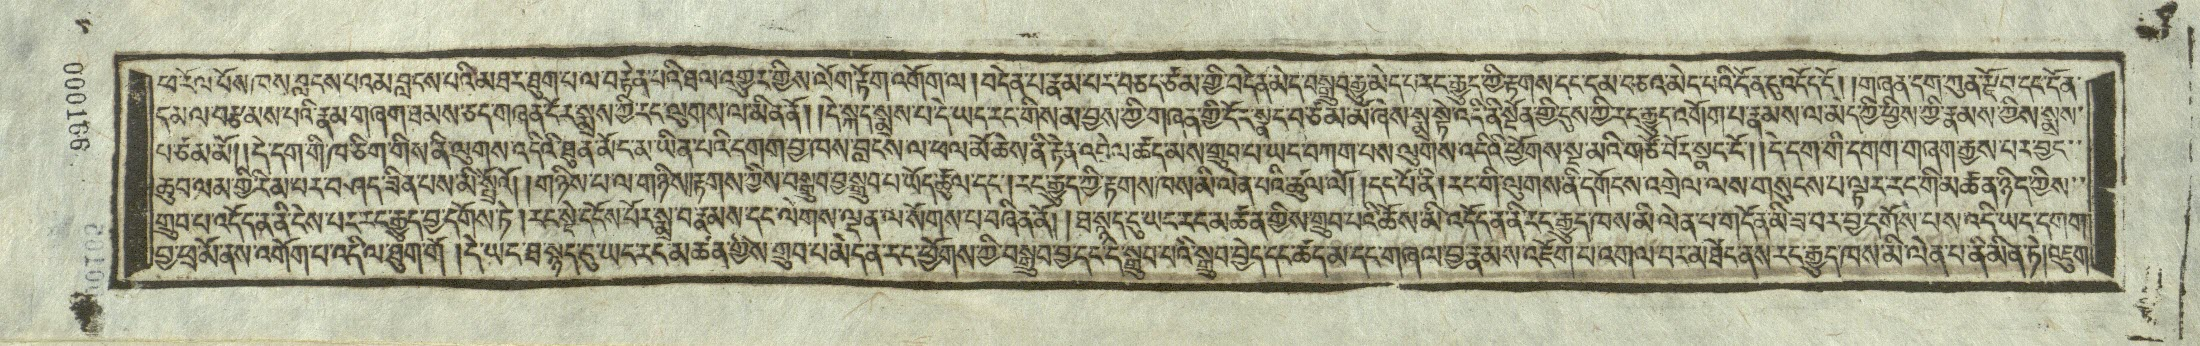ཕ་རོལ་པོས་ཁས་བླངས་པའམ་བླངས་པའི་མཐར་ཐུག་པ་ལ་བརྟན་པའི་ཐལ་འགྱུར་གྱིས་ལོག་རྟོག་འགོག་ལ། བདེན་པ་རྣམ་པར་བཅད་ཙམ་གྱི་བདེན་མེད་བསྒྲུབ་རྒྱུ་མེད་པ་རང་རྒྱུད་ཀྱི་རྟགས་དང་དམ་བཅའ་མེད་པའི་དོན་དུ་འདོད་དོ། །གཞན་དག་ཀུན་རྫོབ་དང་དོན་
དམ་ལ་བརྩམས་པའི་རྣམ་གཞག་ཐམས་ཅད་གཞན་ངོར་སྨྲས་ཀྱི་རང་ལུགས་ལ་མིན་ནོ། །དེ་སྐད་སྨྲས་པ་དེ་ཡང་རང་གིས་མ་བྱས་ཀྱི་གཞན་གྱི་ངོར་སྣང་བ་ཙམ་མོ་ཞེས་སྨྲ་སྟེ་འདི་ནི་སྔོན་གྱི་དུས་ཀྱི་རང་རྒྱུད་འགོག་པ་རྣམས་ལ་མེད་ཀྱི་ཕྱིས་ཀྱི་རྣམས་ཀྱིས་སྨྲས་
པ་ཙམ་མོ། །དེ་དག་གི་ཁ་ཅིག་གིས་ནི་ལུགས་འདིའི་ཐུན་མོང་མ་ཡིན་པའི་དགག་བྱ་ཁས་བླངས་ལ་ཕལ་མོ་ཆེས་ནི་རྟེན་འབྲེལ་ཚད་མས་གྲུབ་པ་ཡང་བཀག་པས་ལུགས་འདིའི་ཕྱོགས་སྔ་མའི་གཙོ་བོར་སྣང་ངོ། །དེ་དག་གི་དགག་གཞག་རྒྱས་པར་བྱང་
ཆུབ་ལམ་གྱི་རིམ་པར་བཤད་ཟིན་པས་མི་སྤྲོའོ། །གཉིས་པ་ལ་གཉིས། རྟགས་ཀྱིས་བསྒྲུབ་བྱ་སྒྲུབ་པ་ཡོད་ཚུལ་དང་། རང་རྒྱུད་ཀྱི་རྟགས་ཁས་མི་ལེན་པའི་ཚུལ་ལོ། །དང་པོ་ནི། རང་གི་ལུགས་ནི་དགོངས་འགྲེལ་ལས་གསུངས་པ་ལྟར་རང་གི་མཚན་ཉིད་ཀྱིས་
གྲུབ་པ་འདོད་ན་ནི་ངེས་པར་རང་རྒྱུད་བྱ་དགོས་ཏེ། རང་སྡེ་དངོས་པོར་སྨྲ་བ་རྣམས་དང་ལེགས་ལྡན་ལ་སོགས་པ་བཞིན་ནོ། །ཐ་སྙད་དུ་ཡང་རང་མཚན་གྱིས་གྲུབ་པའི་ཆོས་མི་འདོད་ན་ནི་རང་རྒྱུད་ཁས་མི་ལེན་པ་གདོན་མི་ཟ་བར་བྱ་དགོས་པས་འདི་ཡང་དགག་
བྱ་ཕྲ་མོ་ནས་འགོག་པ་འདི་ལ་ཐུག་གོ །དེ་ཡང་ཐ་སྙད་དུ་ཡང་རང་མཚན་གྱིས་གྲུབ་པ་མེད་ན་རང་ཕྱོགས་ཀྱི་བསྒྲུབ་བྱ་དང་དེ་སྒྲུབ་པའི་སྒྲུབ་བྱེད་དང་ཚད་མ་དང་གཞལ་བྱ་རྣམས་འཇོག་པ་འགལ་བར་མཐོང་ནས་རང་རྒྱུད་ཁས་མི་ལེན་པ་ནི་མིན་ཏེ། འཇུག་